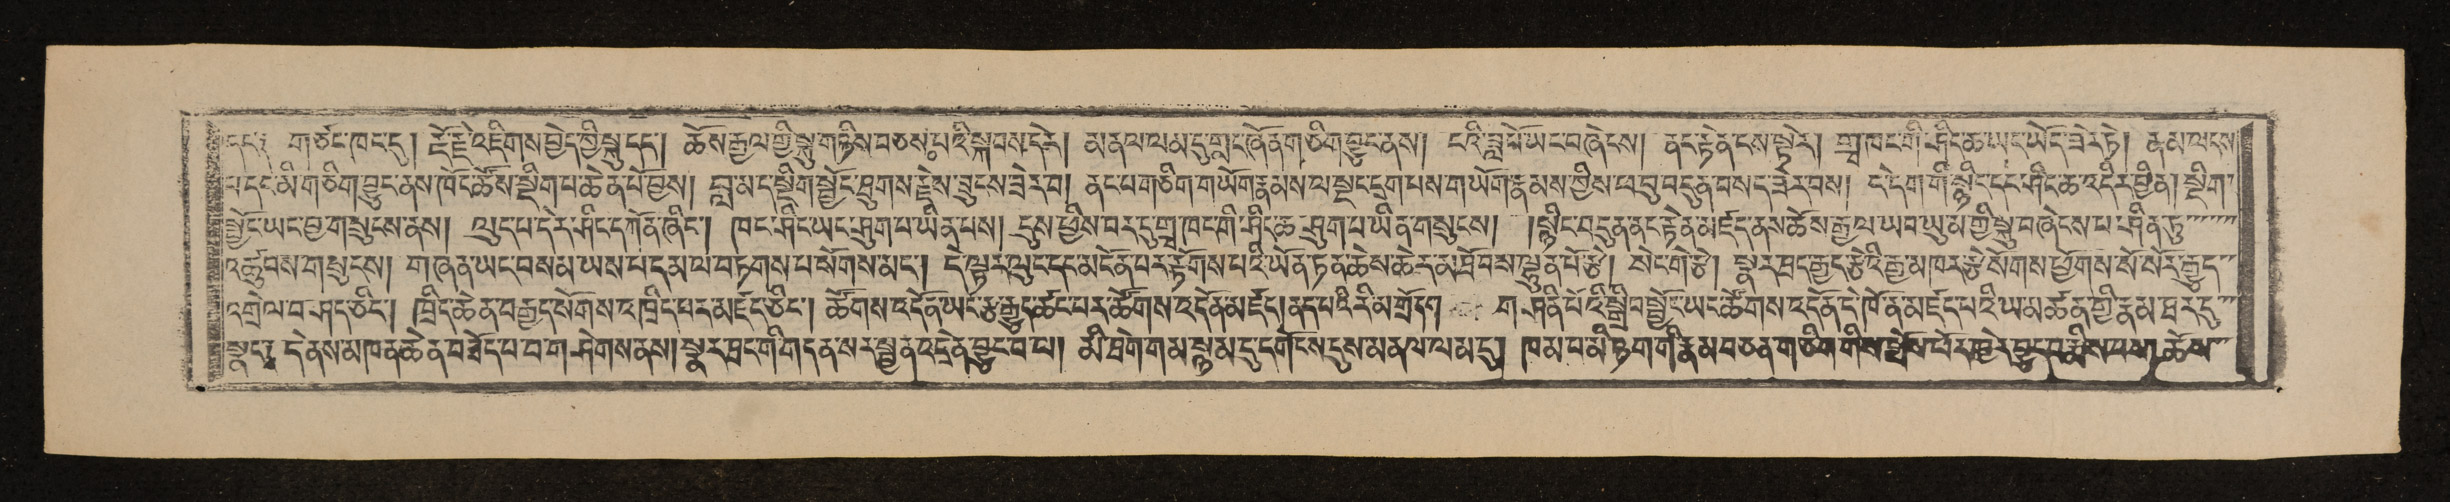དང༑ གཙང་ཁང་དུ། རྡོ་རྗེ་འཇིགས་བྱེད་ཀྱི་སྐུ་དང་། ཆོས་རྒྱལ་གྱི་སྐུ་གཉིས་བཅས་པའི་སྐབས་དེར། མནལ་ལམ་དུ་གླང་ཞོན་གཅིག་བྱུང་ནས། ངའི་ཟླ་བོ་ཡང་བཞེངས། ནང་རྟེན་ངས་སྟེར། གྲྭ་ཁང་གི་ཤིང་ཆ་ཡང་ཡོད་ཟེར་ཏེ། ནམ་ལངས་
པ་དང་མི་གཅིག་བྱུང་ནས་ཁོང་ཚོས་སྡིག་པ་ཆེན་པོ་བྱས། བླ་མ་ད་སྡིག་སྦྱོང་ཐུགས་རྗེས་ཟུངས་ཟེར་བ། ནང་པ་གཅིག་གཡོག་རྣམས་ལ་སྡང་དྲག་པས་གཡོག་རྣམས་ཀྱིས་ཕ་བུ་བདུན་བསད་ཟེར་བས། དེ་དག་གི་སྙིང་དང་ཤིང་ཆ་འདིར་བྱིན། སྡིག་
སྦྱོང་ཡང་བྱ་གསུངས་ནས། ལུང་པ་དེར་ཤིང་དཀོན་ཞིང་། ཁང་ཤིང་ཡང་ཤུག་པ་ཡིན་པས། དུས་ཕྱིས་བར་དུ་གྲྭ་ཁང་གི་ཤིང་ཆ་ཤུག་པ་ཡིན་གསུངས། སྙིང་བདུན་ནང་རྟེན་མཛད་ནས་ཆོས་རྒྱལ་ཡབ་ཡུམ་ཀྱི་སྐུ་བཞེངས་པ་ཤིན་ཏུ་
འཚུབས་གསུངས། གཞན་ཡང་བསམ་ཡས་པ་དམ་ལ་བཏགས་པ་སོགས་མང་། དེ་ལྟར་ལུང་དང་མངོན་པར་རྟོགས་པའི་ཡོན་ཏན་ཆེས་ཆེར་མཐོ་བས་ལྷུན་པོ་རྩེ། སེང་གེ་རྩེ། སྣར་ཐང་རྒྱང་རྩེའི་རྒྱ་མཁར་རྩེ་སོགས་ཕྱོགས་སོ་སོར་རྒྱུད་
འགྲེལ་བཤད་ཅིང་། ཁྲིད་ཆེན་བརྒྱད་སོགས་འཁྲིད་པར་མཛད་ཅིང་། ཚོགས་འདོན་ཡང་རྩ་རྒྱུད་ཚང་བར་ཚོགས་འདོན་མཛད། ནད་པའི་རིམ་གྲོ་དང་། གཤིན་པོའི་སྒྲིབ་སྦྱོང་ཡང་ཚོགས་འདོན་དེ་ཁོ་ན་མཛད་པའི་ཡ་མཚན་གྱི་རྣམ་ཐར་དུ་
སྣང་། དེ་ནས་མཁན་ཆེན་བཟོད་པ་བ་གཤེགས་ནས། སྣར་ཐང་གི་གདན་སར་སྤྱན་འདྲེན་བྱུང་བ་ལ། མི་ཐེག་གམ་སྙམ་དུ་དགོངས་དུས་མནལ་ལམ་དུ། ཁམ་པ་མི་ཉག་གི་རྣམ་པ་ཅན་གཅིག་གིས་སྤོས་ཕོར་ཁྱེར་བྱུང་བ་རྨིས་པས། ཆོས་